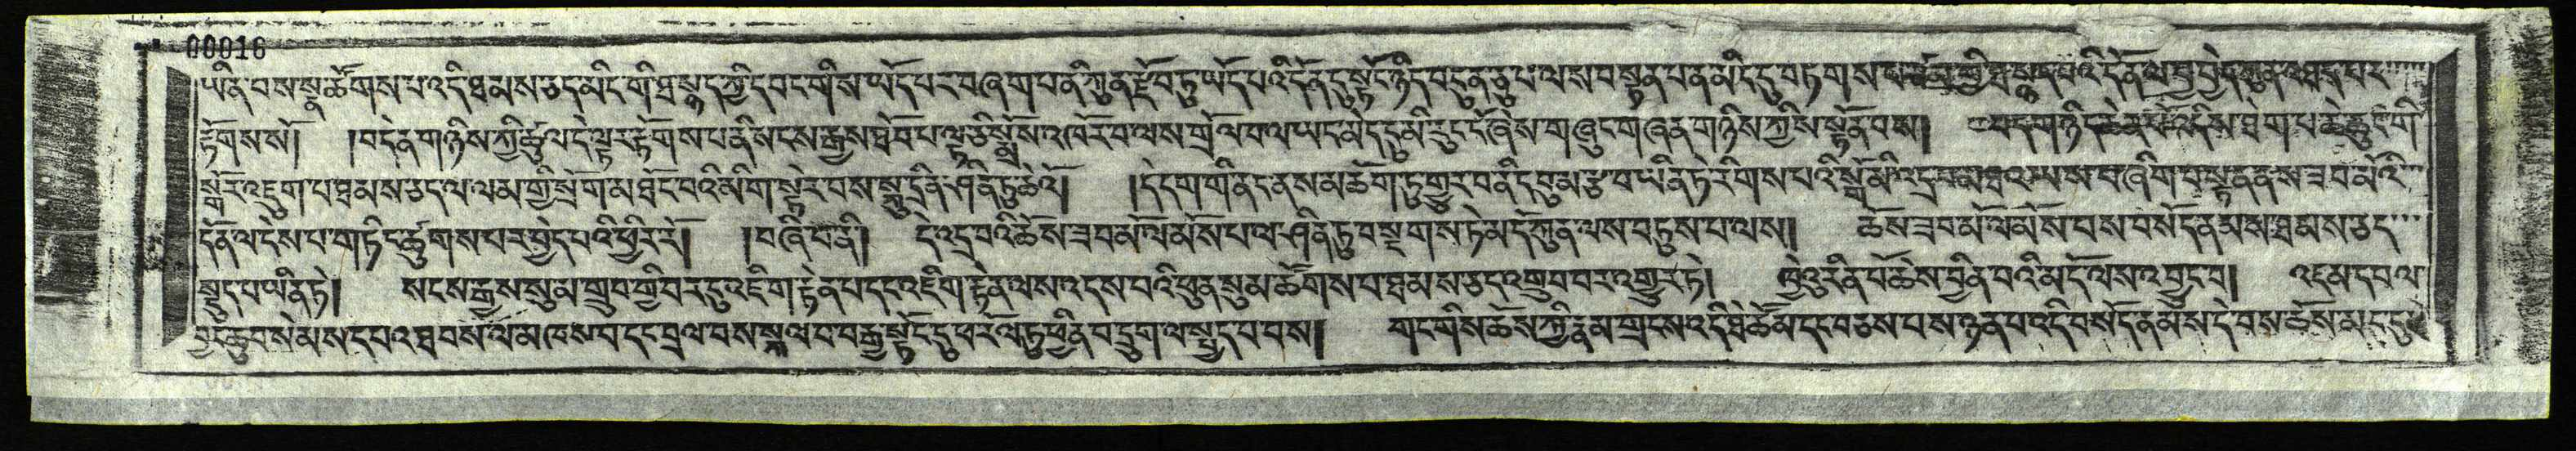ཡིན་པས་སྣ་ཚོགས་པ་འདི་ཐམས་ཅད་མིང་གི་ཐ་སྙད་ཀྱི་དབང་གིས་ཡོད་པར་བཞག་པ་ནི་ཀུན་རྫོབ་ཏུ་ཡོད་པའི་དོན་དུ་སྟོང་ཉིད་བདུན་ཅུ་པ་ལས་བསྟན་པ་ན་མིང་དུ་བཏགས་པ་ཙམ་གྱི་ཐ་སྙད་པའི་དོན་ལ་བྱ་བྱེད་ཀུན་འཐད་པར་
རྟོགས་སོ། །བདེན་གཉིས་ཀྱི་ཚུལ་དེ་ལྟར་རྟོགས་པ་ནི་སངས་རྒྱས་ཐོབ་པ་ལྟ་ཅི་སྨྲོས་འཁོར་བ་ལས་གྲོལ་བ་ལ་ཡང་མེད་དུ་མི་རུང་ངོ་ཞེས་གཞུང་གཞན་གཉིས་ཀྱིས་སྟོན་པས། བདག་ཉིད་ཆེན་པོ་འདིས་ཐེག་པ་ཆེ་ཆུང་གི་
སྒོར་འཇུག་པ་ཐམས་ཅད་ལ་ལམ་གྱི་སྲོག་མཐོང་བའི་མིག་སྟེར་བས་སྐུ་དྲིན་ཤིན་ཏུ་ཆེའོ། །དེ་དག་གི་ནང་ནས་མཆོག་ཏུ་གྱུར་བ་ནི་དབུ་མ་རྩ་བ་ཡིན་ཏེ་རིགས་པའི་སྒོ་མི་འདྲ་བ་མཐའ་ཡས་བཞིག་བསྟན་ནས་ཟབ་མོའི་
དོན་ལ་ངེས་པ་གཏིང་ཚུགས་པར་བྱེད་པའི་ཕྱིར་རོ། །བཞི་པ་ནི། དེ་འདྲ་བའི་ཆོས་ཟབ་མོ་ལ་མོས་པ་ལ་ཤིན་ཏུ་བསྔགས་ཏེ་མདོ་ཀུན་ལས་བཏུས་པ་ལས། ཆོས་ཟབ་མོ་ལ་མོས་པས་བསོད་ནམས་ཐམས་ཅད་
སྡུད་པ་ཡིན་ཏེ། སངས་རྒྱས་སུམ་གྲུབ་གྱི་བར་དུ་འཇིག་རྟེན་པ་དང་འཇིག་རྟེན་ལས་འདས་པའི་ཕུན་སུམ་ཚོགས་པ་ཐམས་ཅད་འགྲུབ་པར་འགྱུར་ཏེ། ཁྱེའུ་རིན་པོ་ཆེས་བྱིན་པའི་མདོ་ལས་འབྱུང་བ། འཇམ་དཔལ་
བྱང་ཆུབ་སེམས་དཔའ་ཐབས་ལ་མཁས་པ་དང་བྲལ་བས་སྐལ་བ་བརྒྱ་སྟོང་དུ་ཕ་རོལ་ཏུ་ཕྱིན་པ་དྲུག་ལ་སྤྱད་པ་བས། གང་གིས་ཆོས་ཀྱི་རྣམ་གྲངས་འདི་ཐེ་ཚོམ་དང་བཅས་པས་ཉན་པ་འདི་བསོད་ནམས་དེ་བས་ཆོས་མང་དུ་